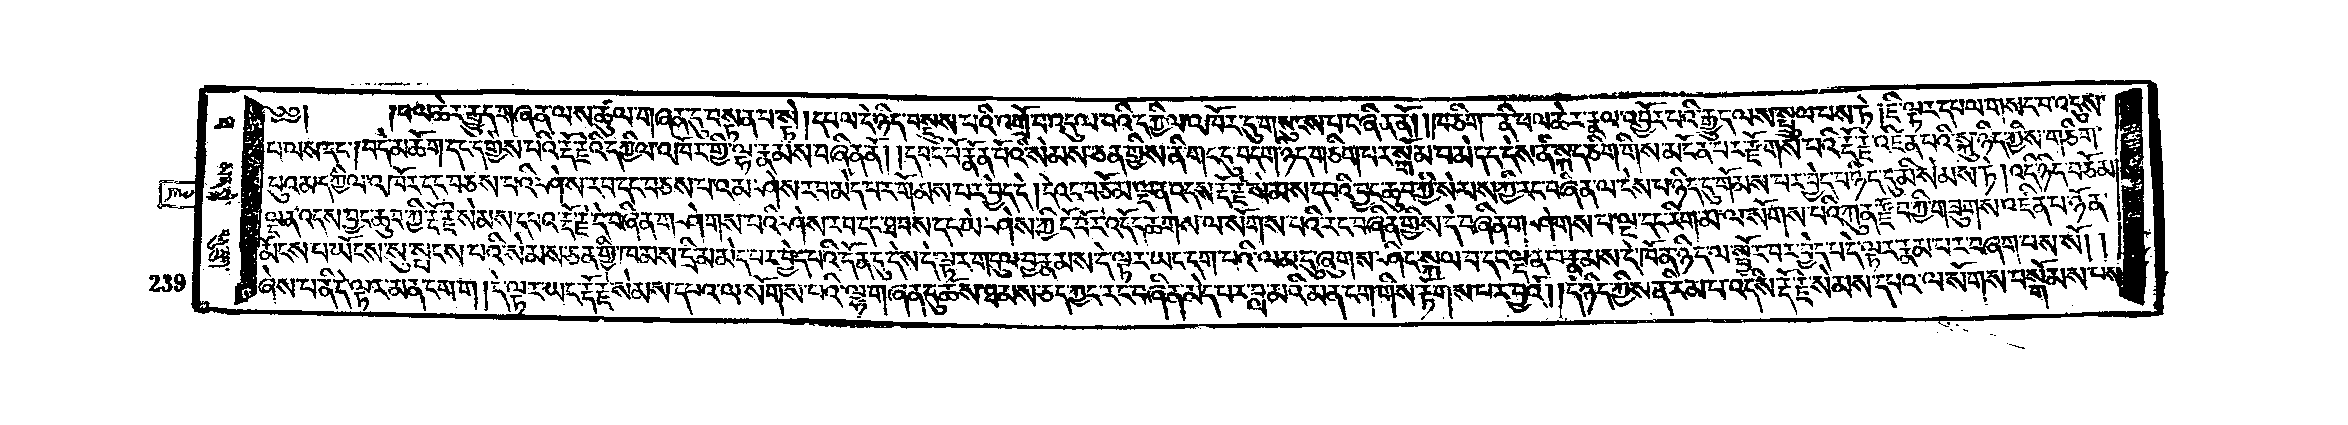༄༅། །ཕལ་ཆེར་རྒྱུད་གཞན་ལས་ཚུལ་གཞན་དུ་བསྟན་པ་སྟེ། དཔལ་དེ་ཉིད་བསྡུས་པའི་འགྲོ་བ་འདུལ་བའི་དཀྱིལ་འཁོར་དུ་གསུངས་པ་བཞིན་ནོ། །ཁ་ཅིག་ཏུ་ནི་ཕལ་ཆེར་རྣལ་འབྱོར་པའི་རྒྱུད་ལས་སྤྲུལ་པས་ཏེ། ཇི་ལྟར་དཔལ་གསང་བ་འདུས་
པ་ལས་དང་། བདེ་མཆོག་དང་དགྱེས་པའི་རྡོ་རྗེའི་དཀྱིལ་འཁོར་གྱི་ལྷ་རྣམས་བཞིན་ནོ། །དབང་པོ་རྣོན་པོའི་སེམས་ཅན་གྱིས་ནི་གང་དུ་བདག་ཉིད་གཅིག་པར་སྒོམ་པ་མེད་དེ་དེས་ནི་སྐད་ཅིག་གིས་མངོན་པར་རྫོགས་པའི་རྡོ་རྗེ་འཛིན་པའི་སྐུ་ཉིད་ཀྱིས་གཅིག་
པུའམ་དཀྱིལ་འཁོར་དང་བཅས་པའི་ཤེས་རབ་དང་བཅས་པ་འམ་ཤེས་རབ་མེད་པར་གོམས་པར་བྱེད་དེ། དེའང་བཅོམ་ལྡན་འདས་རྡོ་རྗེ་སེམས་དཔའི་བྱང་ཆུབ་ཀྱི་སེམས་ཀྱི་རང་བཞིན་ལ་ངེས་པ་ཉིད་དུ་གོམས་པར་བྱེད་པ་ཉིད་དུ་མི་སེམས་ཏེ། འདི་ཉིད་བཅོམ་
ལྡན་འདས་བྱང་ཆུབ་ཀྱི་རྡོ་རྗེ་སེམས་དཔའ་རྡོ་རྗེ་དེ་བཞིན་གཤེགས་པའི་ཤེས་རབ་དང་ཐབས་དང་ཡེ་ཤེས་ཀྱི་ངོ་བོར་འདོད་ཆགས་ལ་སོགས་པའི་རང་བཞིན་གྱིས་དེ་བཞིན་གཤེགས་པ་ལྔ་དང་རིག་མ་ལ་སོགས་པའི་ཀུན་རྫོབ་ཀྱི་གཟུགས་འཛིན་པ་ཉོན་
མོངས་པ་ཡོངས་སུ་སྤངས་པའི་སེམས་ཅན་གྱི་ཁམས་དྲི་མ་མེད་པར་བྱེད་པའི་དོན་དུ་དེས་དེ་ལྟར་གདུལ་བྱ་རྣམས་དེ་ལྟར་ཡང་དག་པའི་ལམ་དུ་ཞུགས་ཤིང་སྐལ་བ་དང་ལྡན་པ་རྣམས་དེ་ཁོ་ན་ཉིད་ལ་སྦྱོར་བར་བྱེད་པ་དེ་ལྟར་རྣམ་པར་བཞག་པས་སོ། །
ཞེས་པ་ནི་དེ་ལྟར་མན་ངག་གི། དེ་ལྟར་ཡང་རྡོ་རྗེ་སེམས་དཔའ་ལ་སོགས་པའི་ལྷ་གཞན་དུ་ཆོས་ཐམས་ཅད་ཀྱང་རང་བཞིན་མེད་པར་བླ་མའི་མན་ངག་གིས་རྟོགས་པར་བྱའོ། །དེ་ཉིད་ཀྱིས་ན་རིམ་པ་འདིས་རྡོ་རྗེ་སེམས་དཔའ་ལ་སོགས་བསྒོམས་པས་